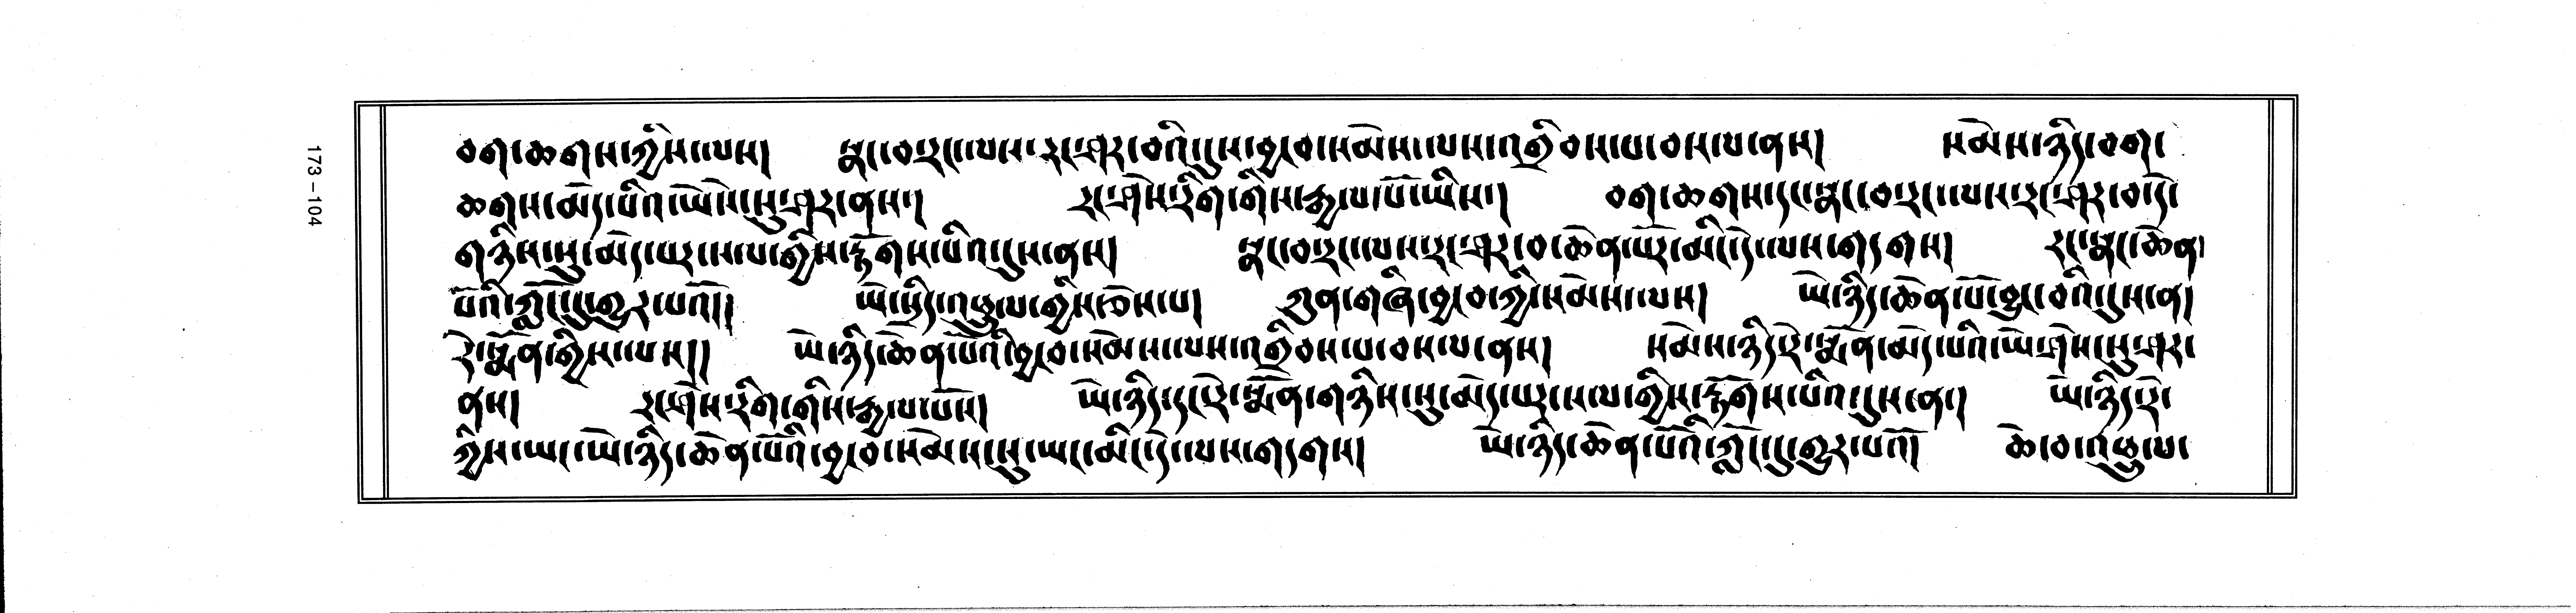བག་ཆགས་ཀྱི་ལས། སྣང་བ་རང་ལ་རང་ཤར་བའི་དུས་བྱང་ཆུབ་སེམས་ལས་འགྲིབ་པ་བསལ་ནས། སེམས་ཉིད་བག་
ཆགས་མེད་པའི་ཡེ་ཤེས་སུ་ཤར་ཏེ། རང་ཤེས་རིག་གི་རྒྱལ་པོ་ཡིས་བག་ཆགས་དང་སྣང་བ་རང་ལས་རང་ཤར་བ་དེ་
གཉིས་སུ་མེད་པར་སལ་གྱིས་རྟོགས་པའི་དུས་ན། སྣང་བ་རང་ལ་རང་ཤར་བ་ཆེན་པོར་མིང་དེ་ལ་གདགས། རང་སྣང་ཆེན་
པོའི་ཀློང་དུ་གྱུར་པའོ། །ཡེ་སྲིད་འཕྲུལ་གྱིས་ཅེས་པས། ཀུན་གཞི་བྱང་ཆུབ་ཀྱི་སེམས་ལས། ཡེ་ཉིད་ཆེན་པོ་བྱུང་བའི་དུས་ན། 
རེ་སྨོན་གྱི་ལས་ཡེ་ཉིད་ཆེན་པོའི་བྱང་ཆུབ་སེམས་ལས་འགྲིབ་པ་བསལ་ནས། སེམས་ཉིད་རེ་སྨོན་མེད་པའི་ཡེ་ཤེས་སུ་ཤར་
ནས། རང་ཤེས་རིག་གི་རྒྱལ་པོ་ཡེ་ཉིད་དང་རེ་སྨོན་གཉིས་སུ་མེད་པར་སལ་གྱིས་རྟོགས་པའི་དུས་ན། ཡེ་ཉིད་རེ་
ཀྱིས་ཡང་ཡི་ཉིད་ཆེན་པོའི་བྱ་བ་སེམས་སུ་ཡང་མི་དེ་ལ་གདགས། ཡེ་ཉིད་ཆེན་པོའི་ཀློང་དུ་གྱུར་པའོ། ཆེ་བ་འཕྲུལ་